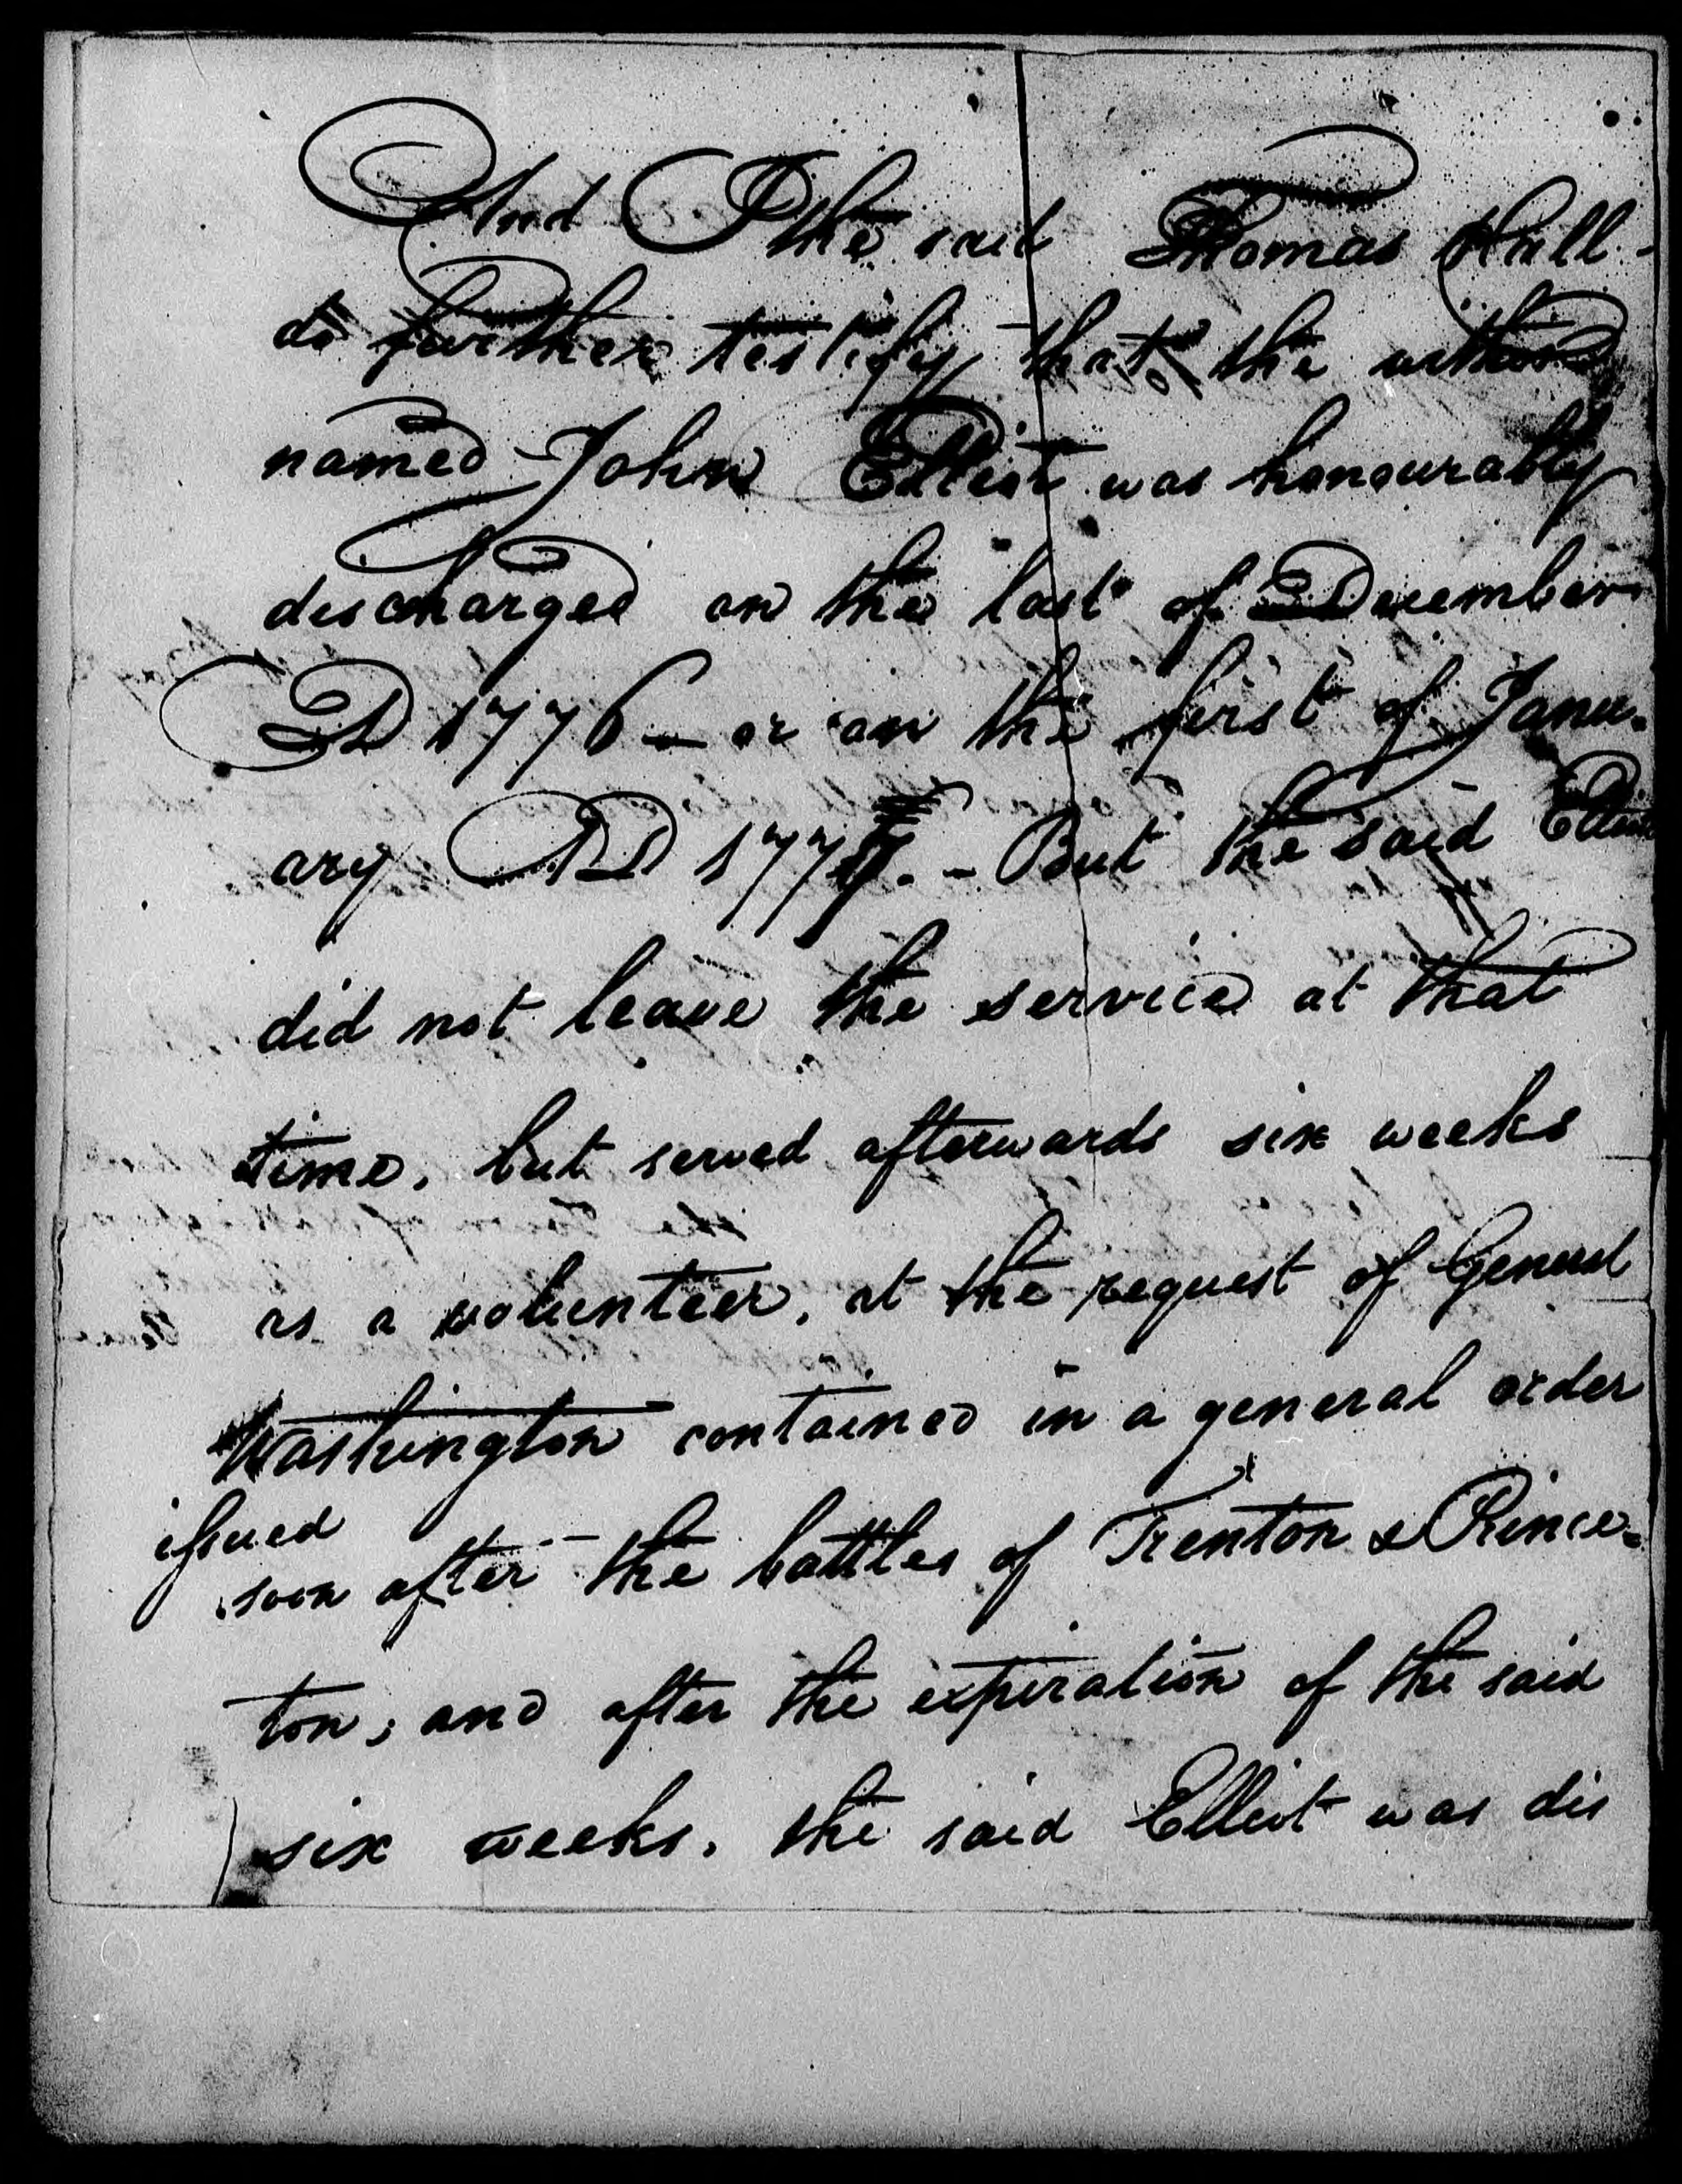And the said Thomas Hall
do further testify that the within
named John Elliot was honorably discharged on the last of December 31 1776 or on the first of January A.D. 1777
But the said Elliot did not leave the service at that time,
but served afterwards six weeks
as a volunteer,
at the request of General
Washington contained in a general order
issued
soon after the battles of Trenton & Princeton, and after the expiration of the said
six weeks, the said
Elliot was dis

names: Wahington, Thomas Hall, Elliot, John Elliot, Elliot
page: 34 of 57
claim: widow's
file: W. 16,114, John Elliot, Continental (Mass) N.H.